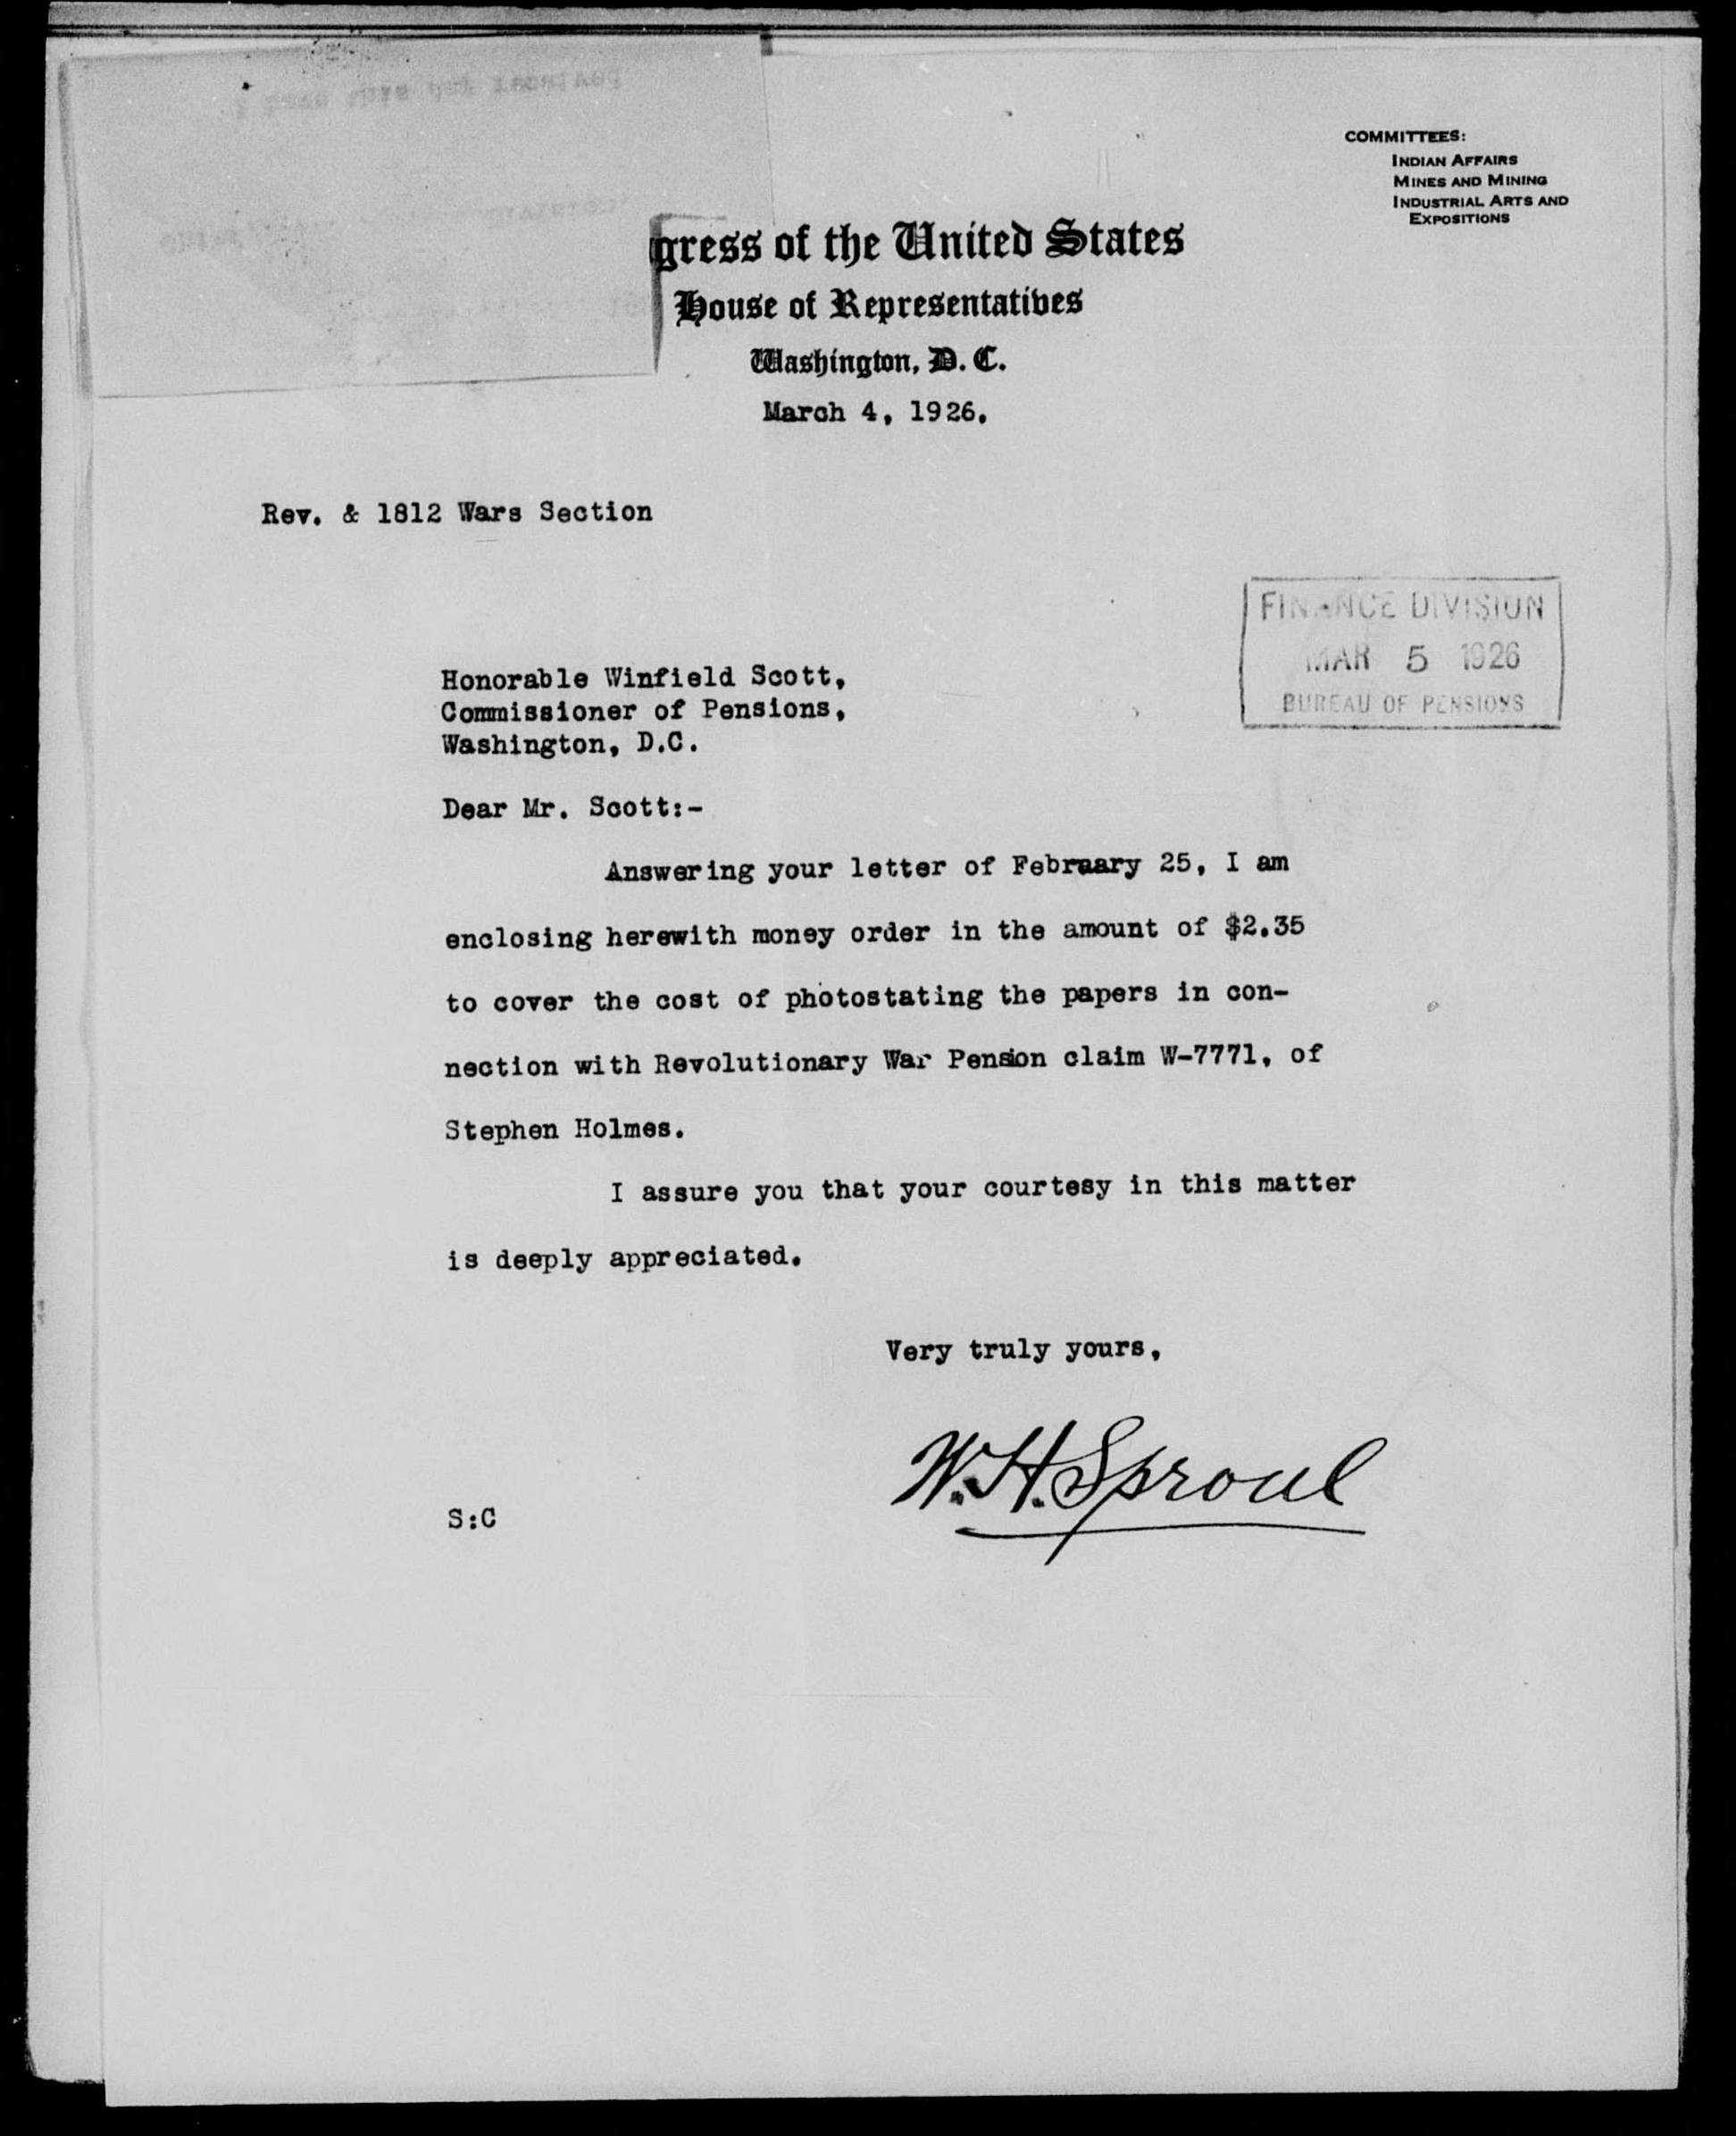COMMITTEES:
INDIAN AFFAIRS
MINES AND MINING
INDUSTRIAL ARTS AND EXPOSITIONS

Congress of the United States
House of Representatives
Washington, D. C.
March 4, 1926

Rev. & 1812 Wars Section

Honorable Winfield Scott,
Commissioner of Pensions,
Washington, D. C.

Dear Mr. Scott:-

Answering your letter of February 25, I am enclosing herewith money order in the amount of $2.35 to cover the cost of photostating the papers in connection with Revolutionary War Pension claim W-7771, of Stephen Holmes.

I assure you that your courtesy in this matter is deeply appreciated.

Very truly yours,
W. H. Sproul

S:C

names: Scott, Stephen Holmes, Winfield Scott, W H Sproul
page: 65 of 72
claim: widow's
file: W. 7771, Stephen Holmes, Vt.